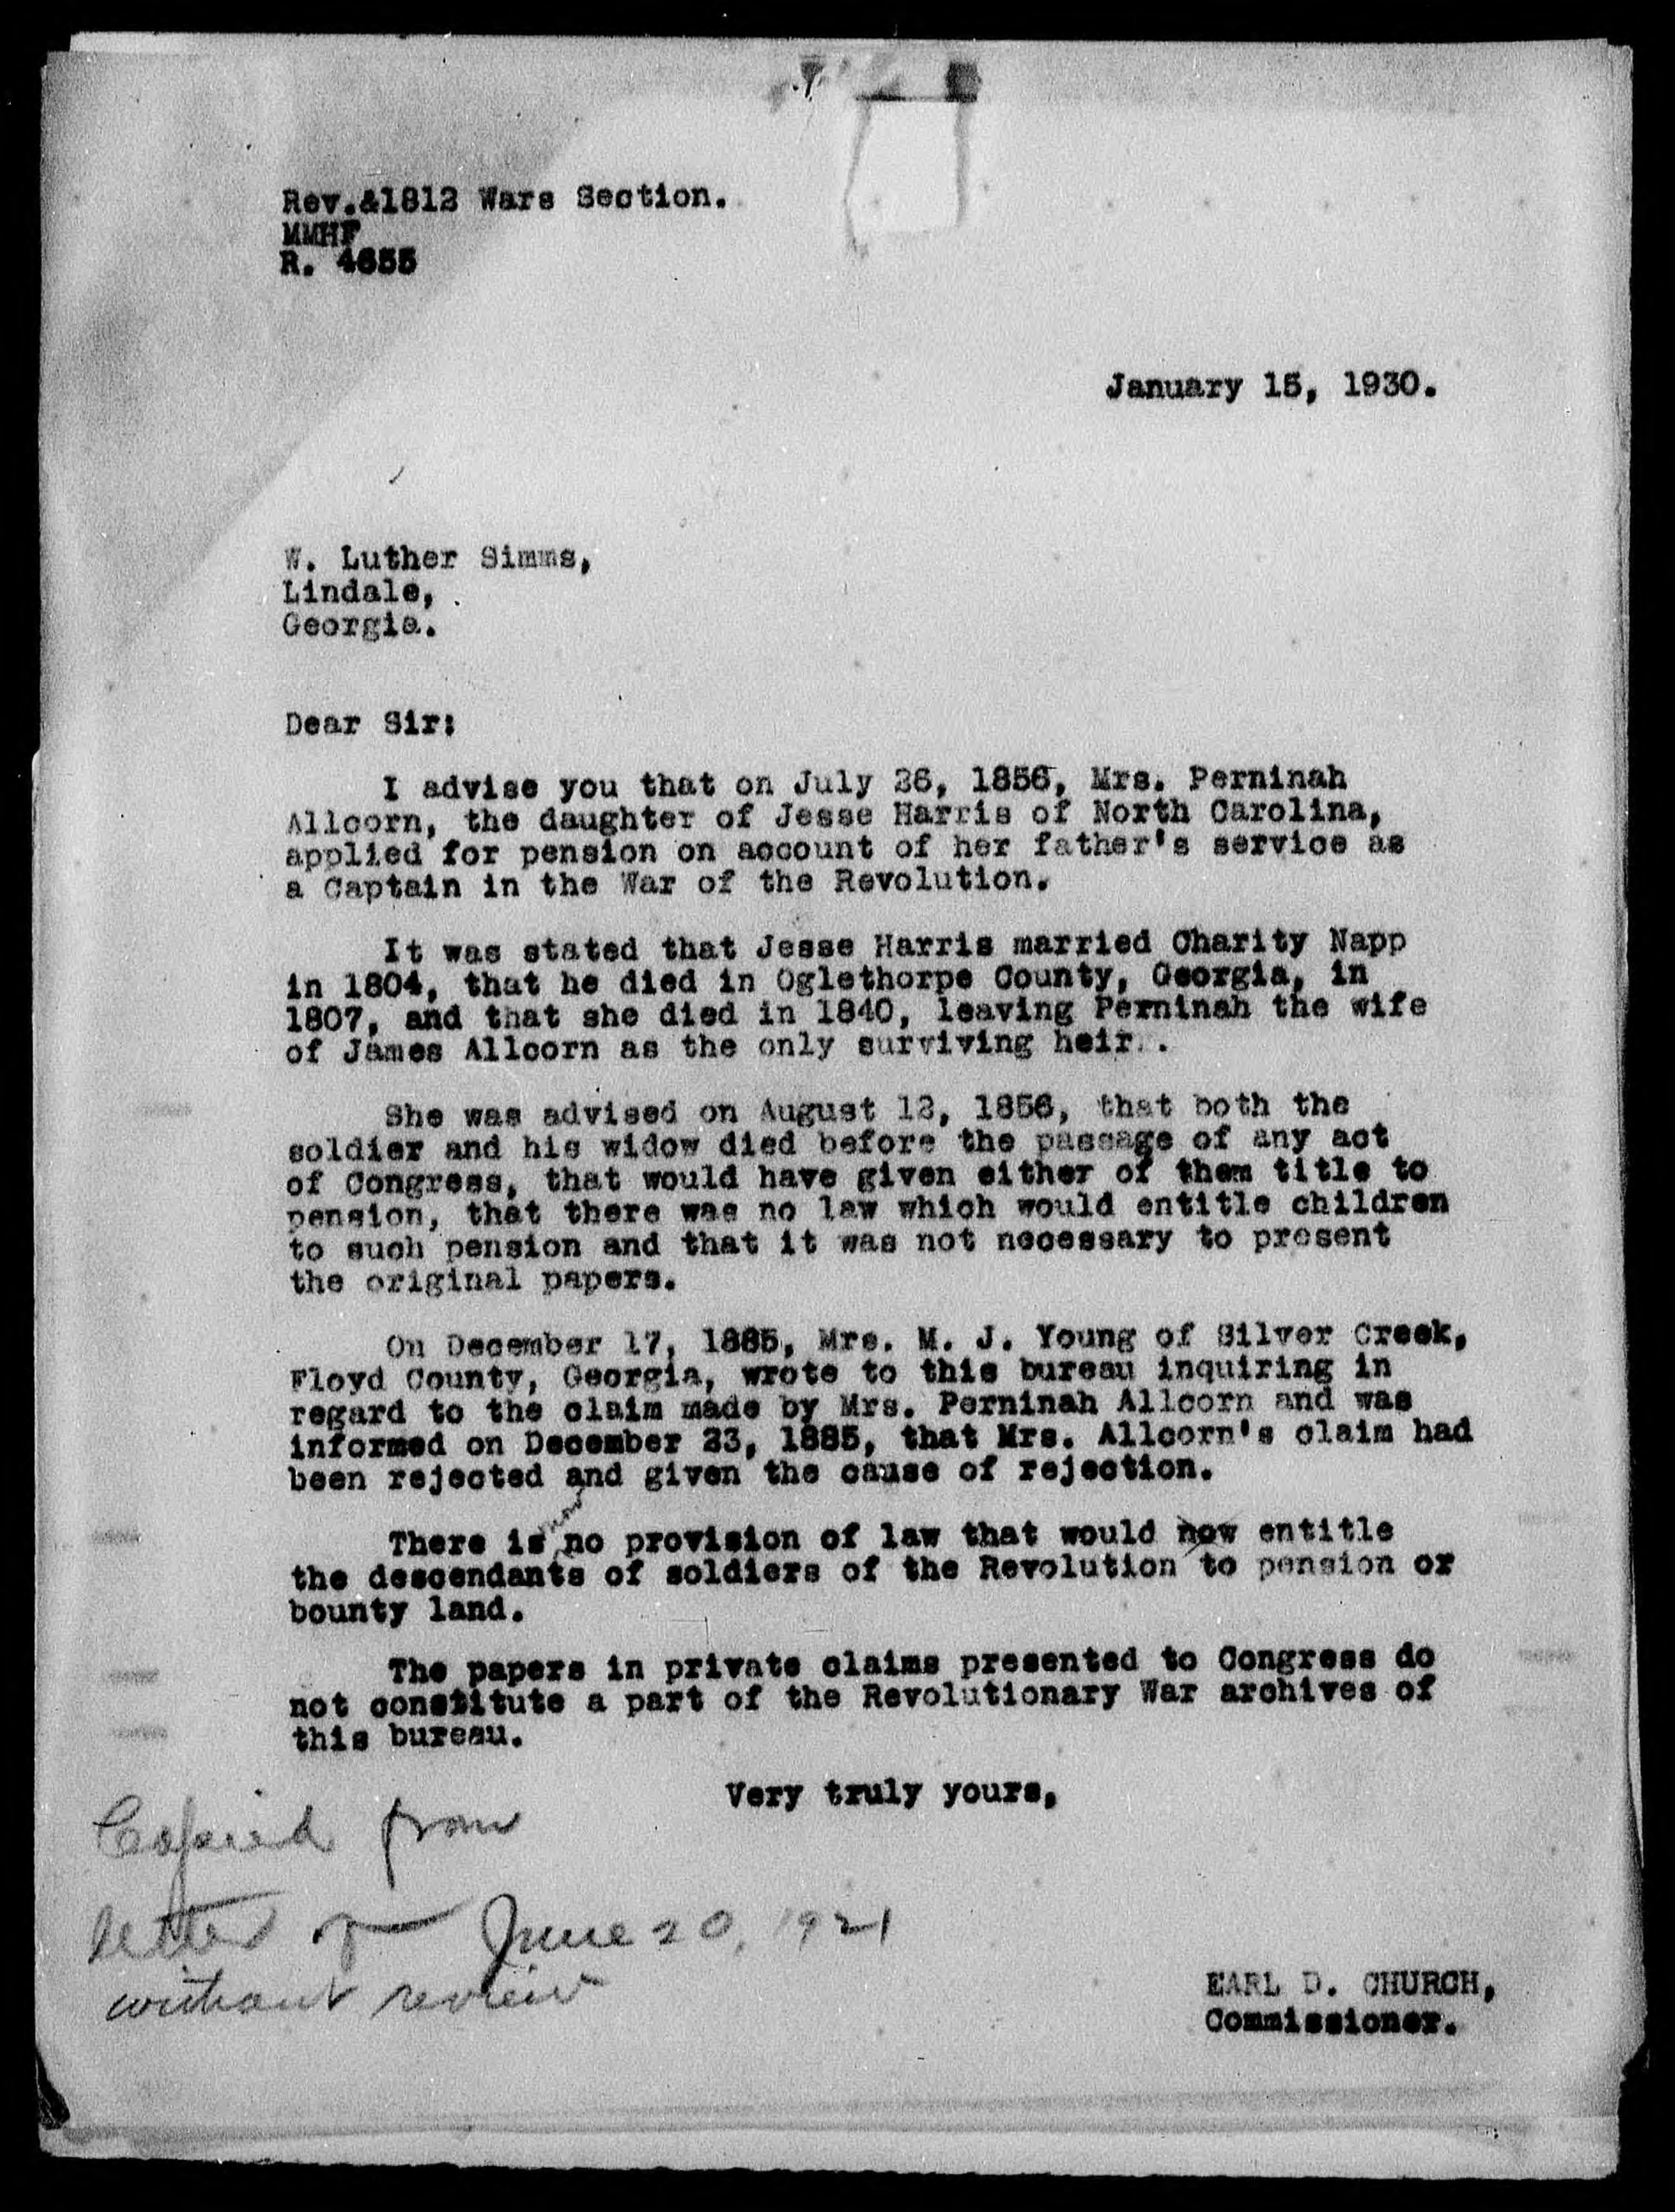Rev.&1812 Wars Section.
MMHF
R. 4655

January 15, 1930.

W. Luther Simms,
Lindale,
Georgia.

Dear Sir:
I advise you that on July 26, 1856, Mrs. Perninah Allcorn, the daughter of Jesse Harris of North Carolina, applied for pension on account of her father's service as a Captain in the War of the Revolution.
It was stated that Jesse Harris married Charity Napp in 1804, that he died in Oglethorpe County, Georgia, in 1807, and that she died in 1840, leaving Perninah the wife of James Allcorn as the only surviving heir.
She was advised on August 13, 1856, that both the solidier and his widow died before the passage of any act of Congress, that would have given either of them title to pension, that there was no law which would entitle children to such pension and that it was not necessary to present the original papers.
On December 17, 1885, Mrs. W. J. Young of Silver Creek, Floyd County, Georgia, wrote to this bureau inquiring in regard to the claim made by Mrs. Perninah Allcorn and was informed on December 23, 1885, that Mrs. Allcorn's claim had been rejected and given the cause of rejection.
There is no provision of law that would now entitle the descendants of soldiers of the Revolution to pension or bounty land.
The papers in private claims presented to Congress do not constitute a part of the Revolutionary War archives of this bureau.
Very truly yours,
EARL D. CHURCH
Commissioner.

[handwritten beside letter closing]
Copied from letter of June 20, 1921 without review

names: Perninah Allcorn, Perninah Allcorn, Earl D Church, Jesse Harris, Jesse Harris, James Allcorn, Allcorn, M J Young, Charity Napp, Luther Simms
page: 18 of 32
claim: rejected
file: R. 4655, Jesse Harris, N.C.